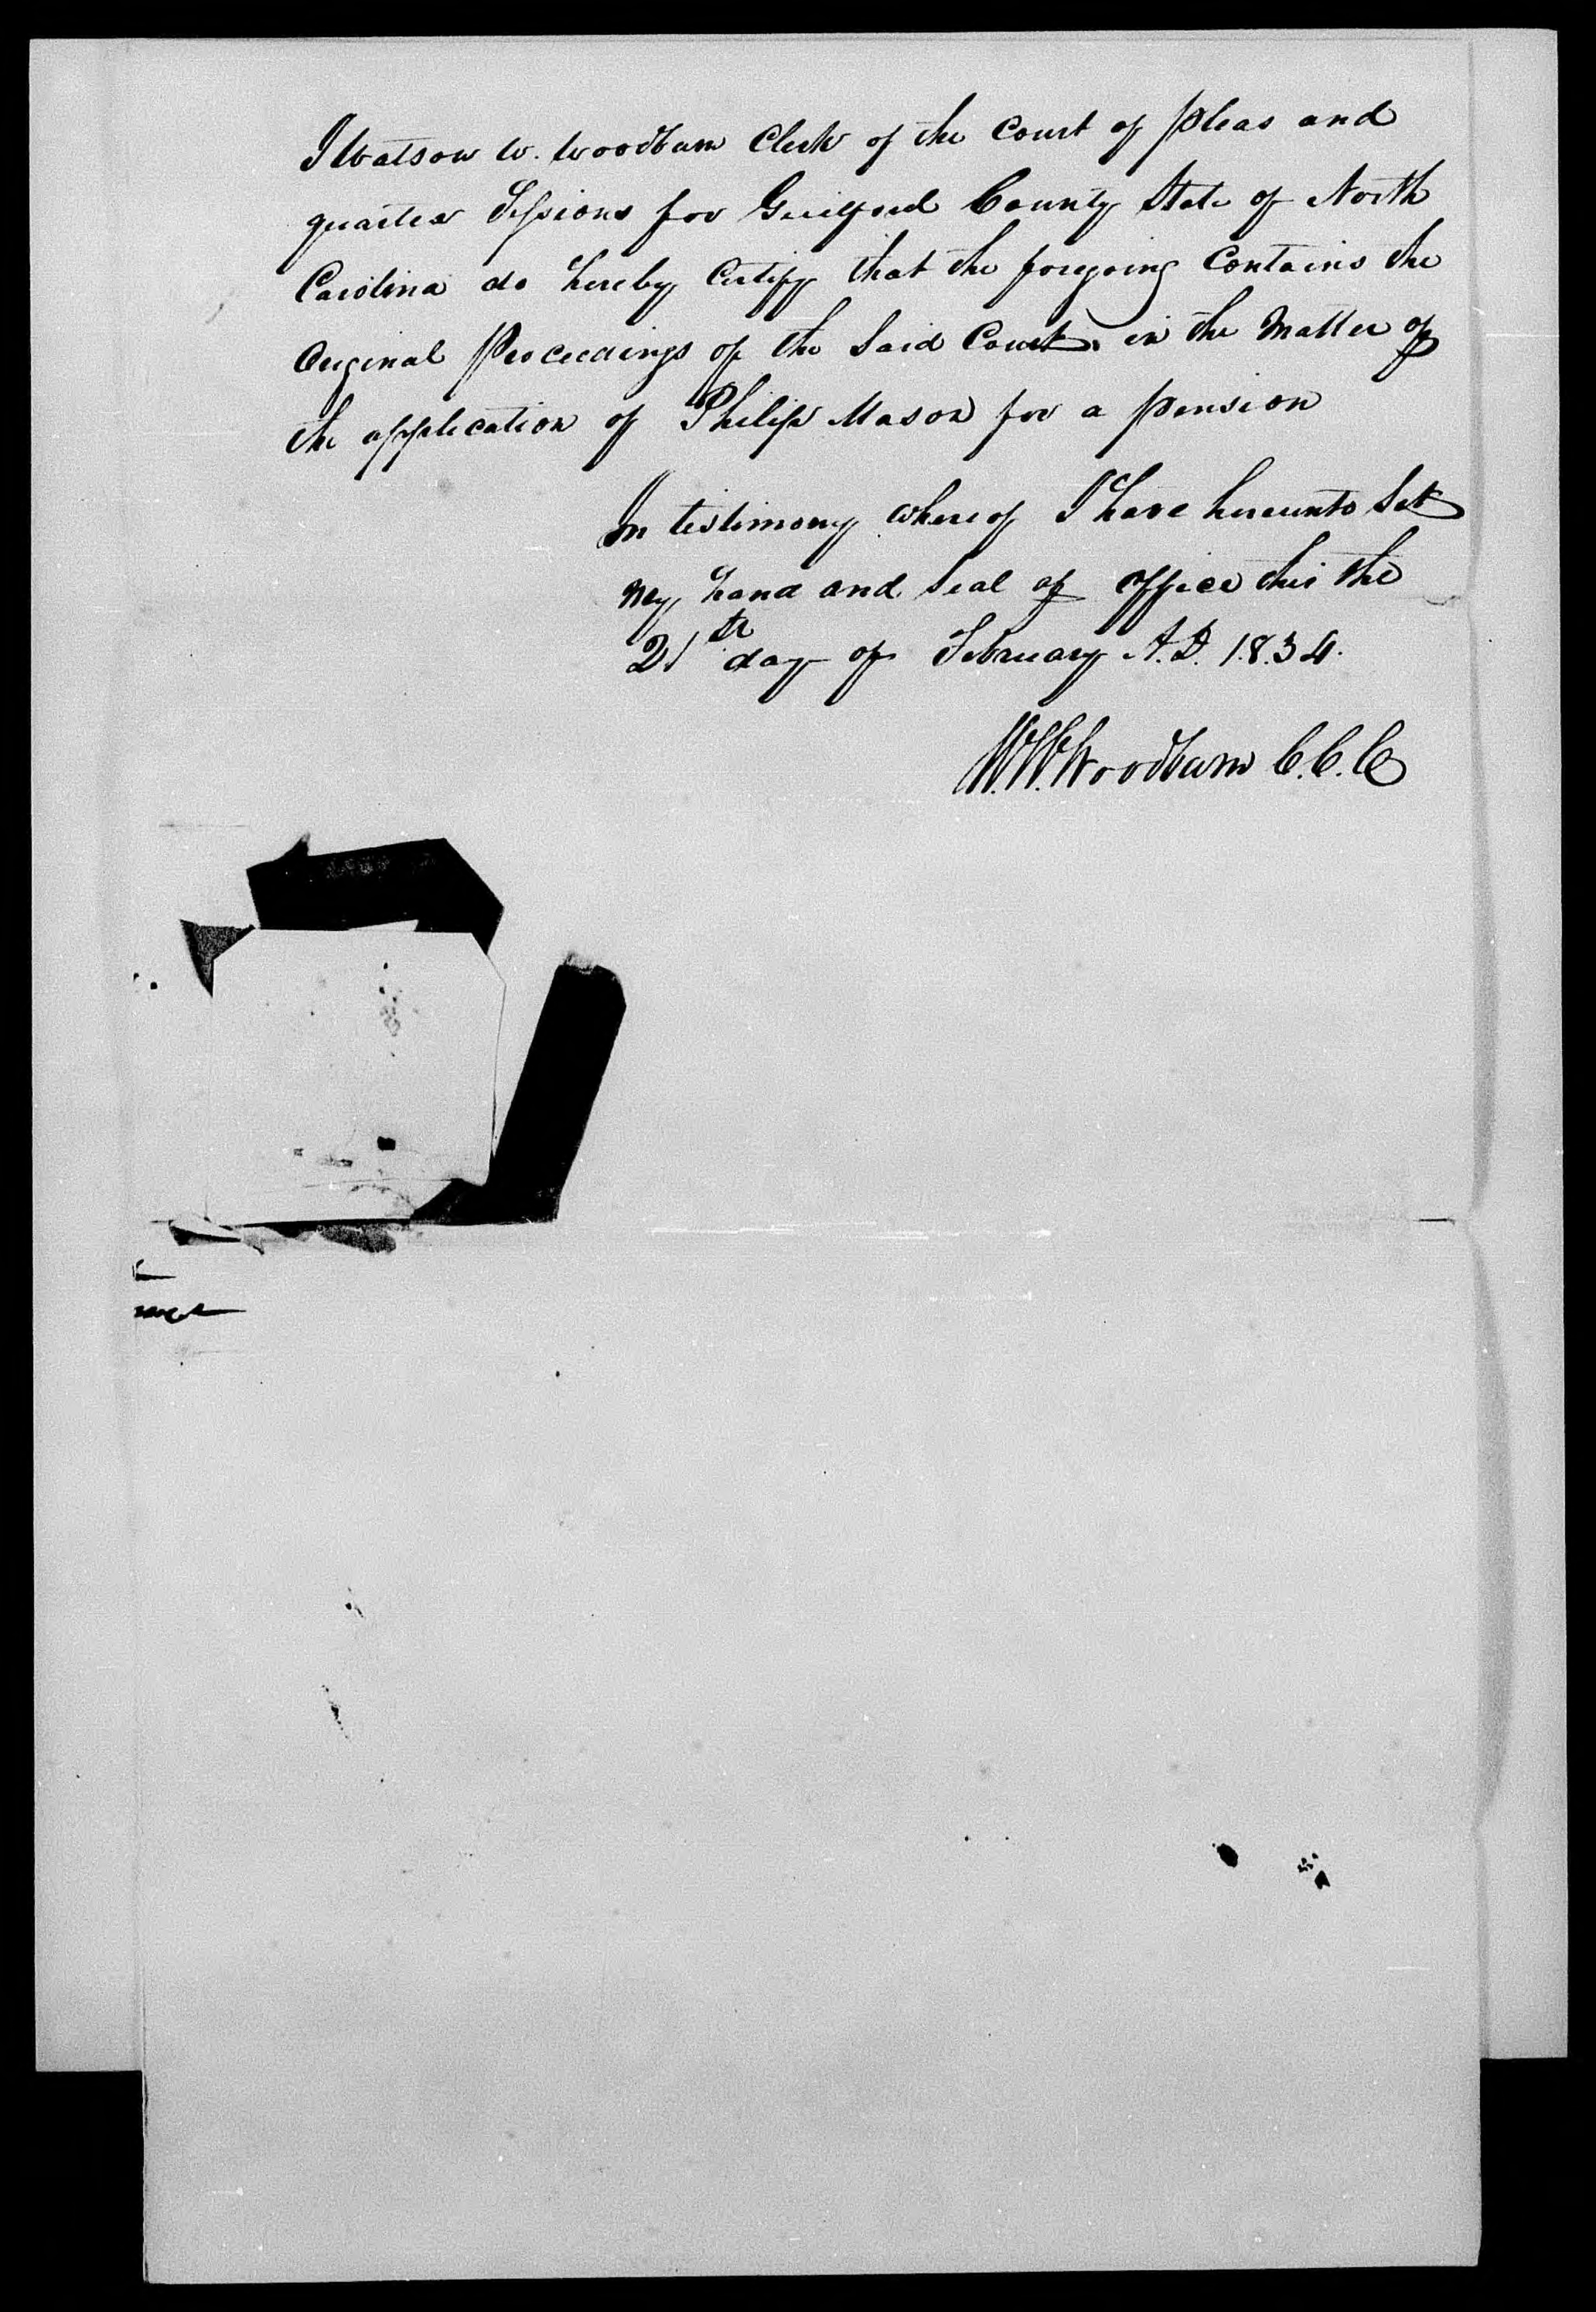Watson W. Woodham Clerk of the Court of pleas and quarter sessions for Guilford County State of North Carolina do hereby certify that the foregoing contains the original proceedings of the said court in the matter of
the application of Philip Mason for a pension
In testimony whereof I have hereunto set
my name and seal of office this the
25th day of February A.D. 1834
Woodham C.C.C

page: 10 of 18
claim: survivor's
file: S. 8,994, for Philip Mason, North Carolina